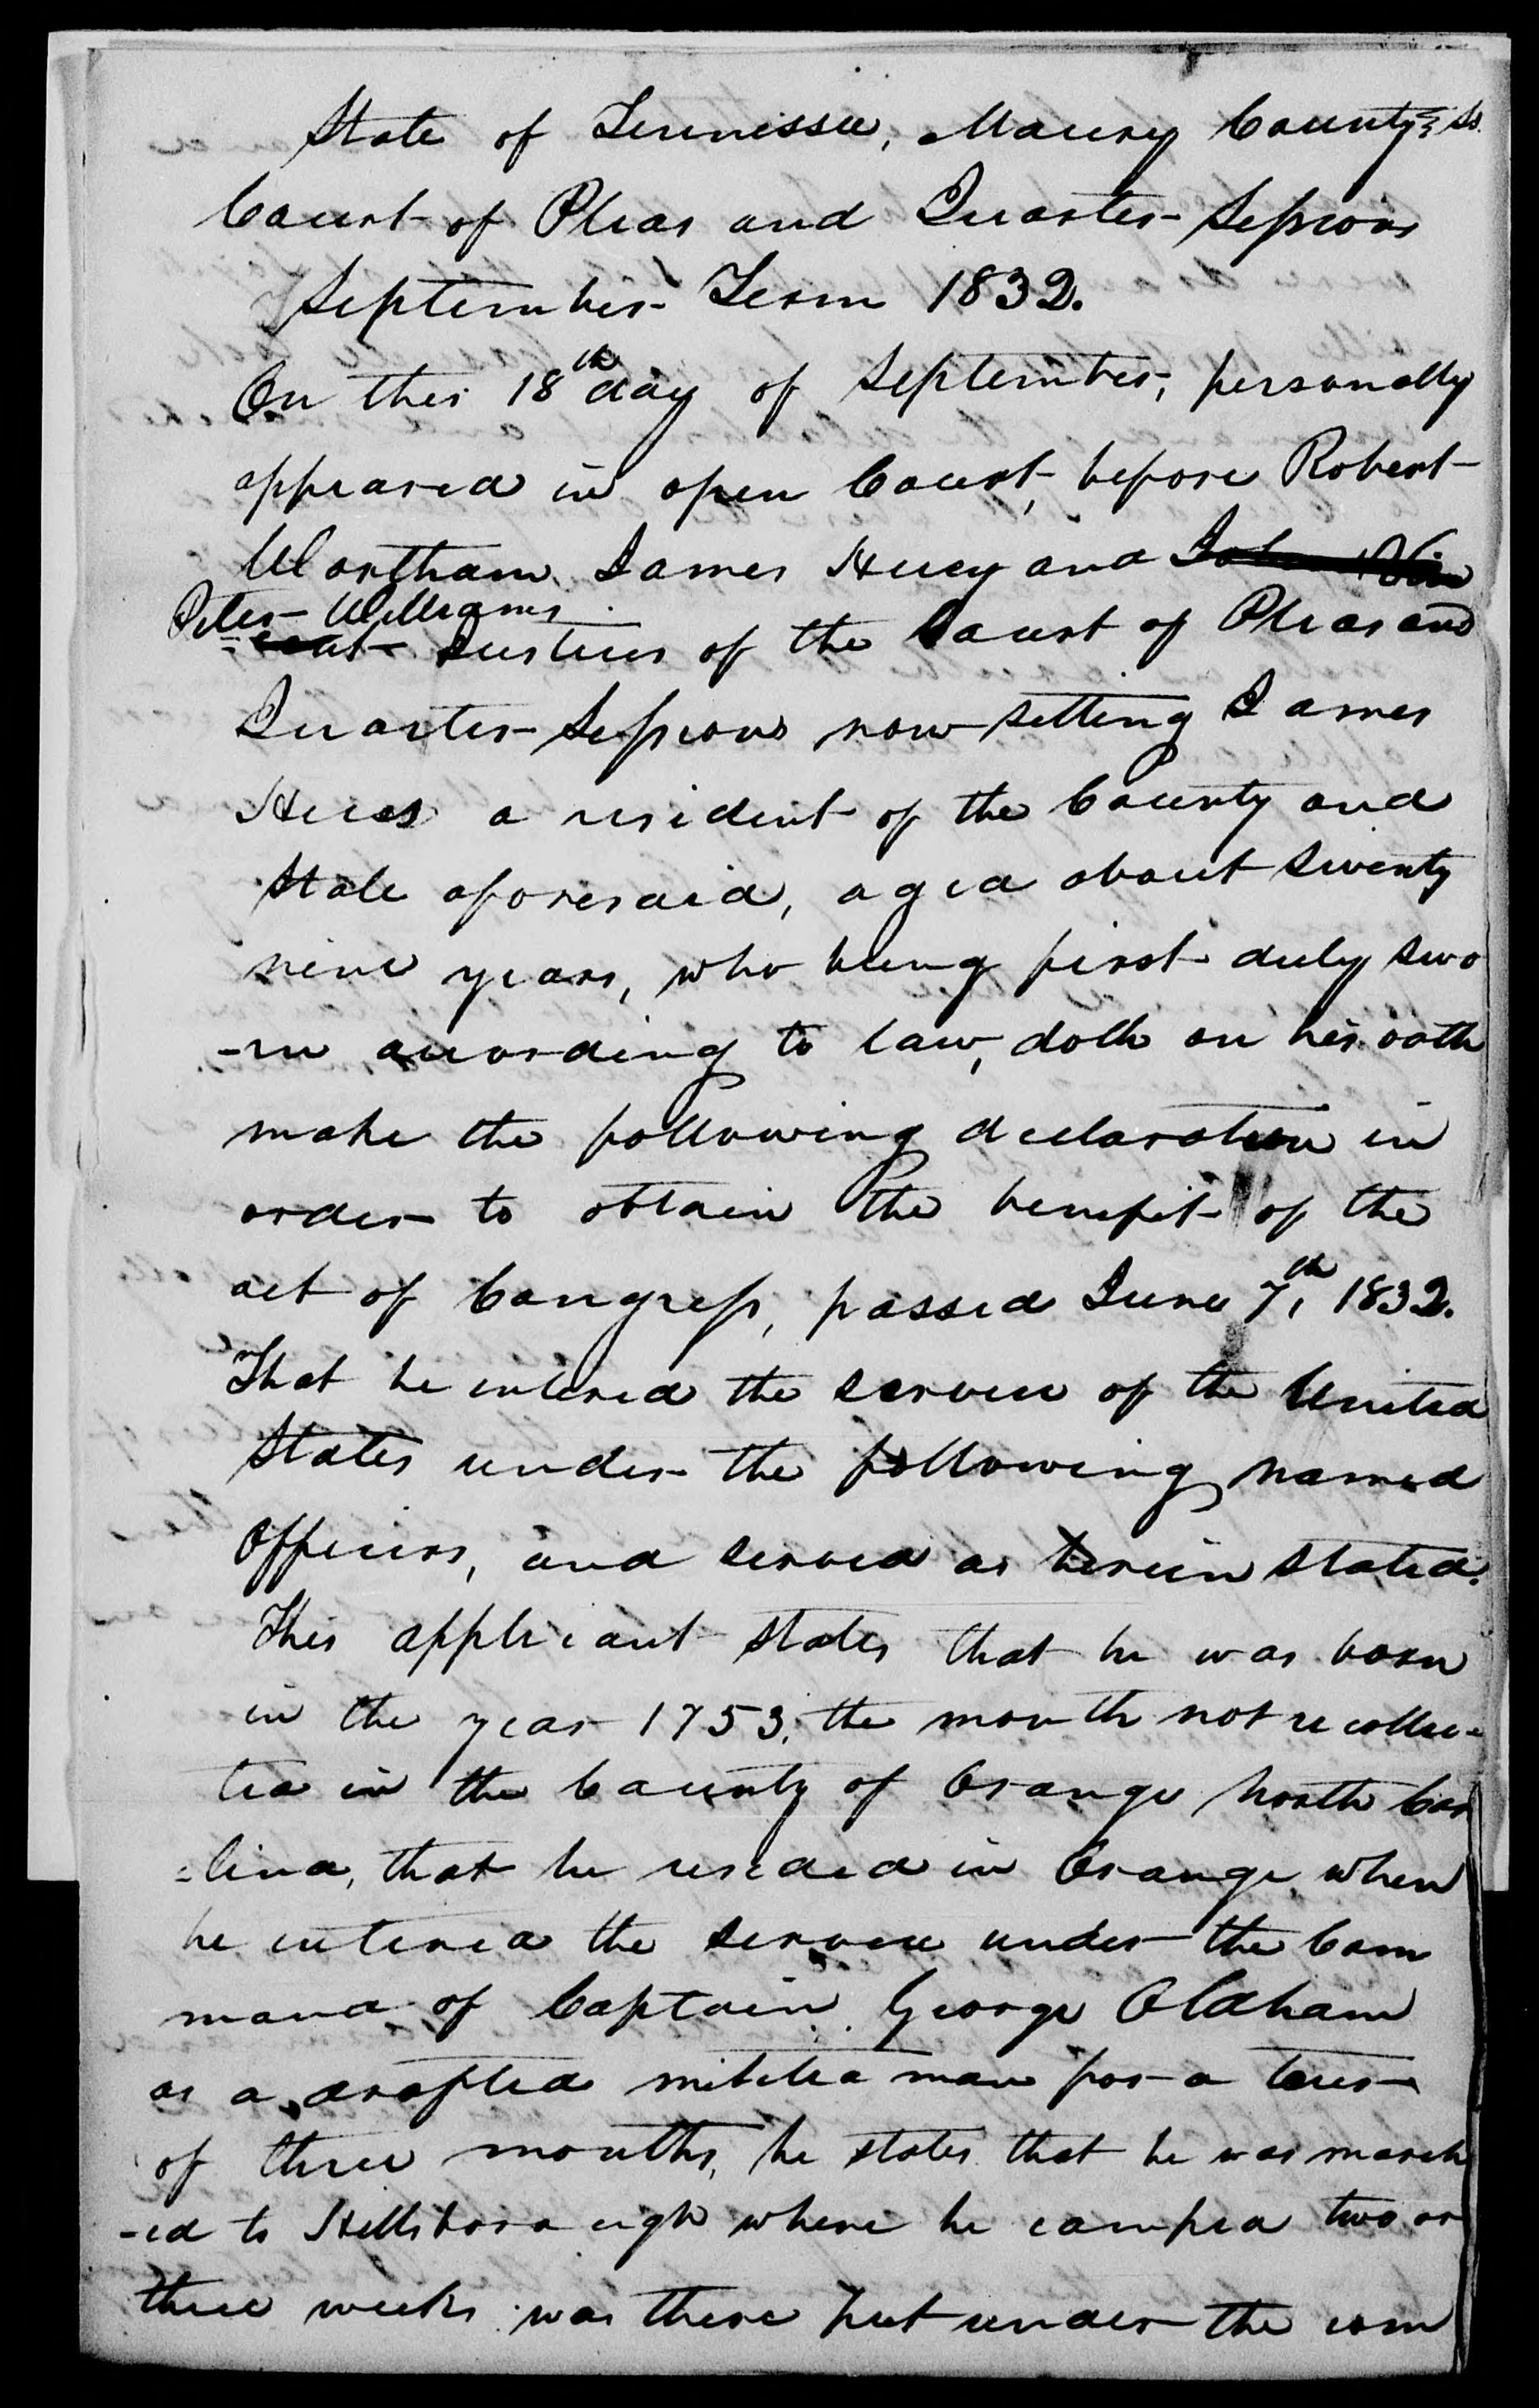State of Tennessee, Maury County Court of Pleas and Quarter-sessions.
September Term 1832

On this 18th day of September personally appeared in open court before Robert Wortham James Huey and Peter Williams justices of the court of Pleas and Quarter sessions now sitting James Hues a resident of the County and State aforesaid, aged about seventy nine years, who being first duly sworn according to law, doth on his oath make the following declaration in order to obtain the benefit of the act of Congress, passed June 7th 1832. That he entered the services of the United States under the following named officers, and served as herein stated. This applicant states that he was born in the year 1753 the month not recollected in the  County of Orange North Carolina, that he resided in Orange when he entered the service under the Command of Captain George Oldham as a drafted militia man for a term of three months, he states that he was marched to Hillsborough where he camped two or three weeks was then put under the command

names: Robert Wortham, Peter Williams, George Oldham, James Huey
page: 17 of 24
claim: rejected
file: R. 5342, James Hues, N.C.